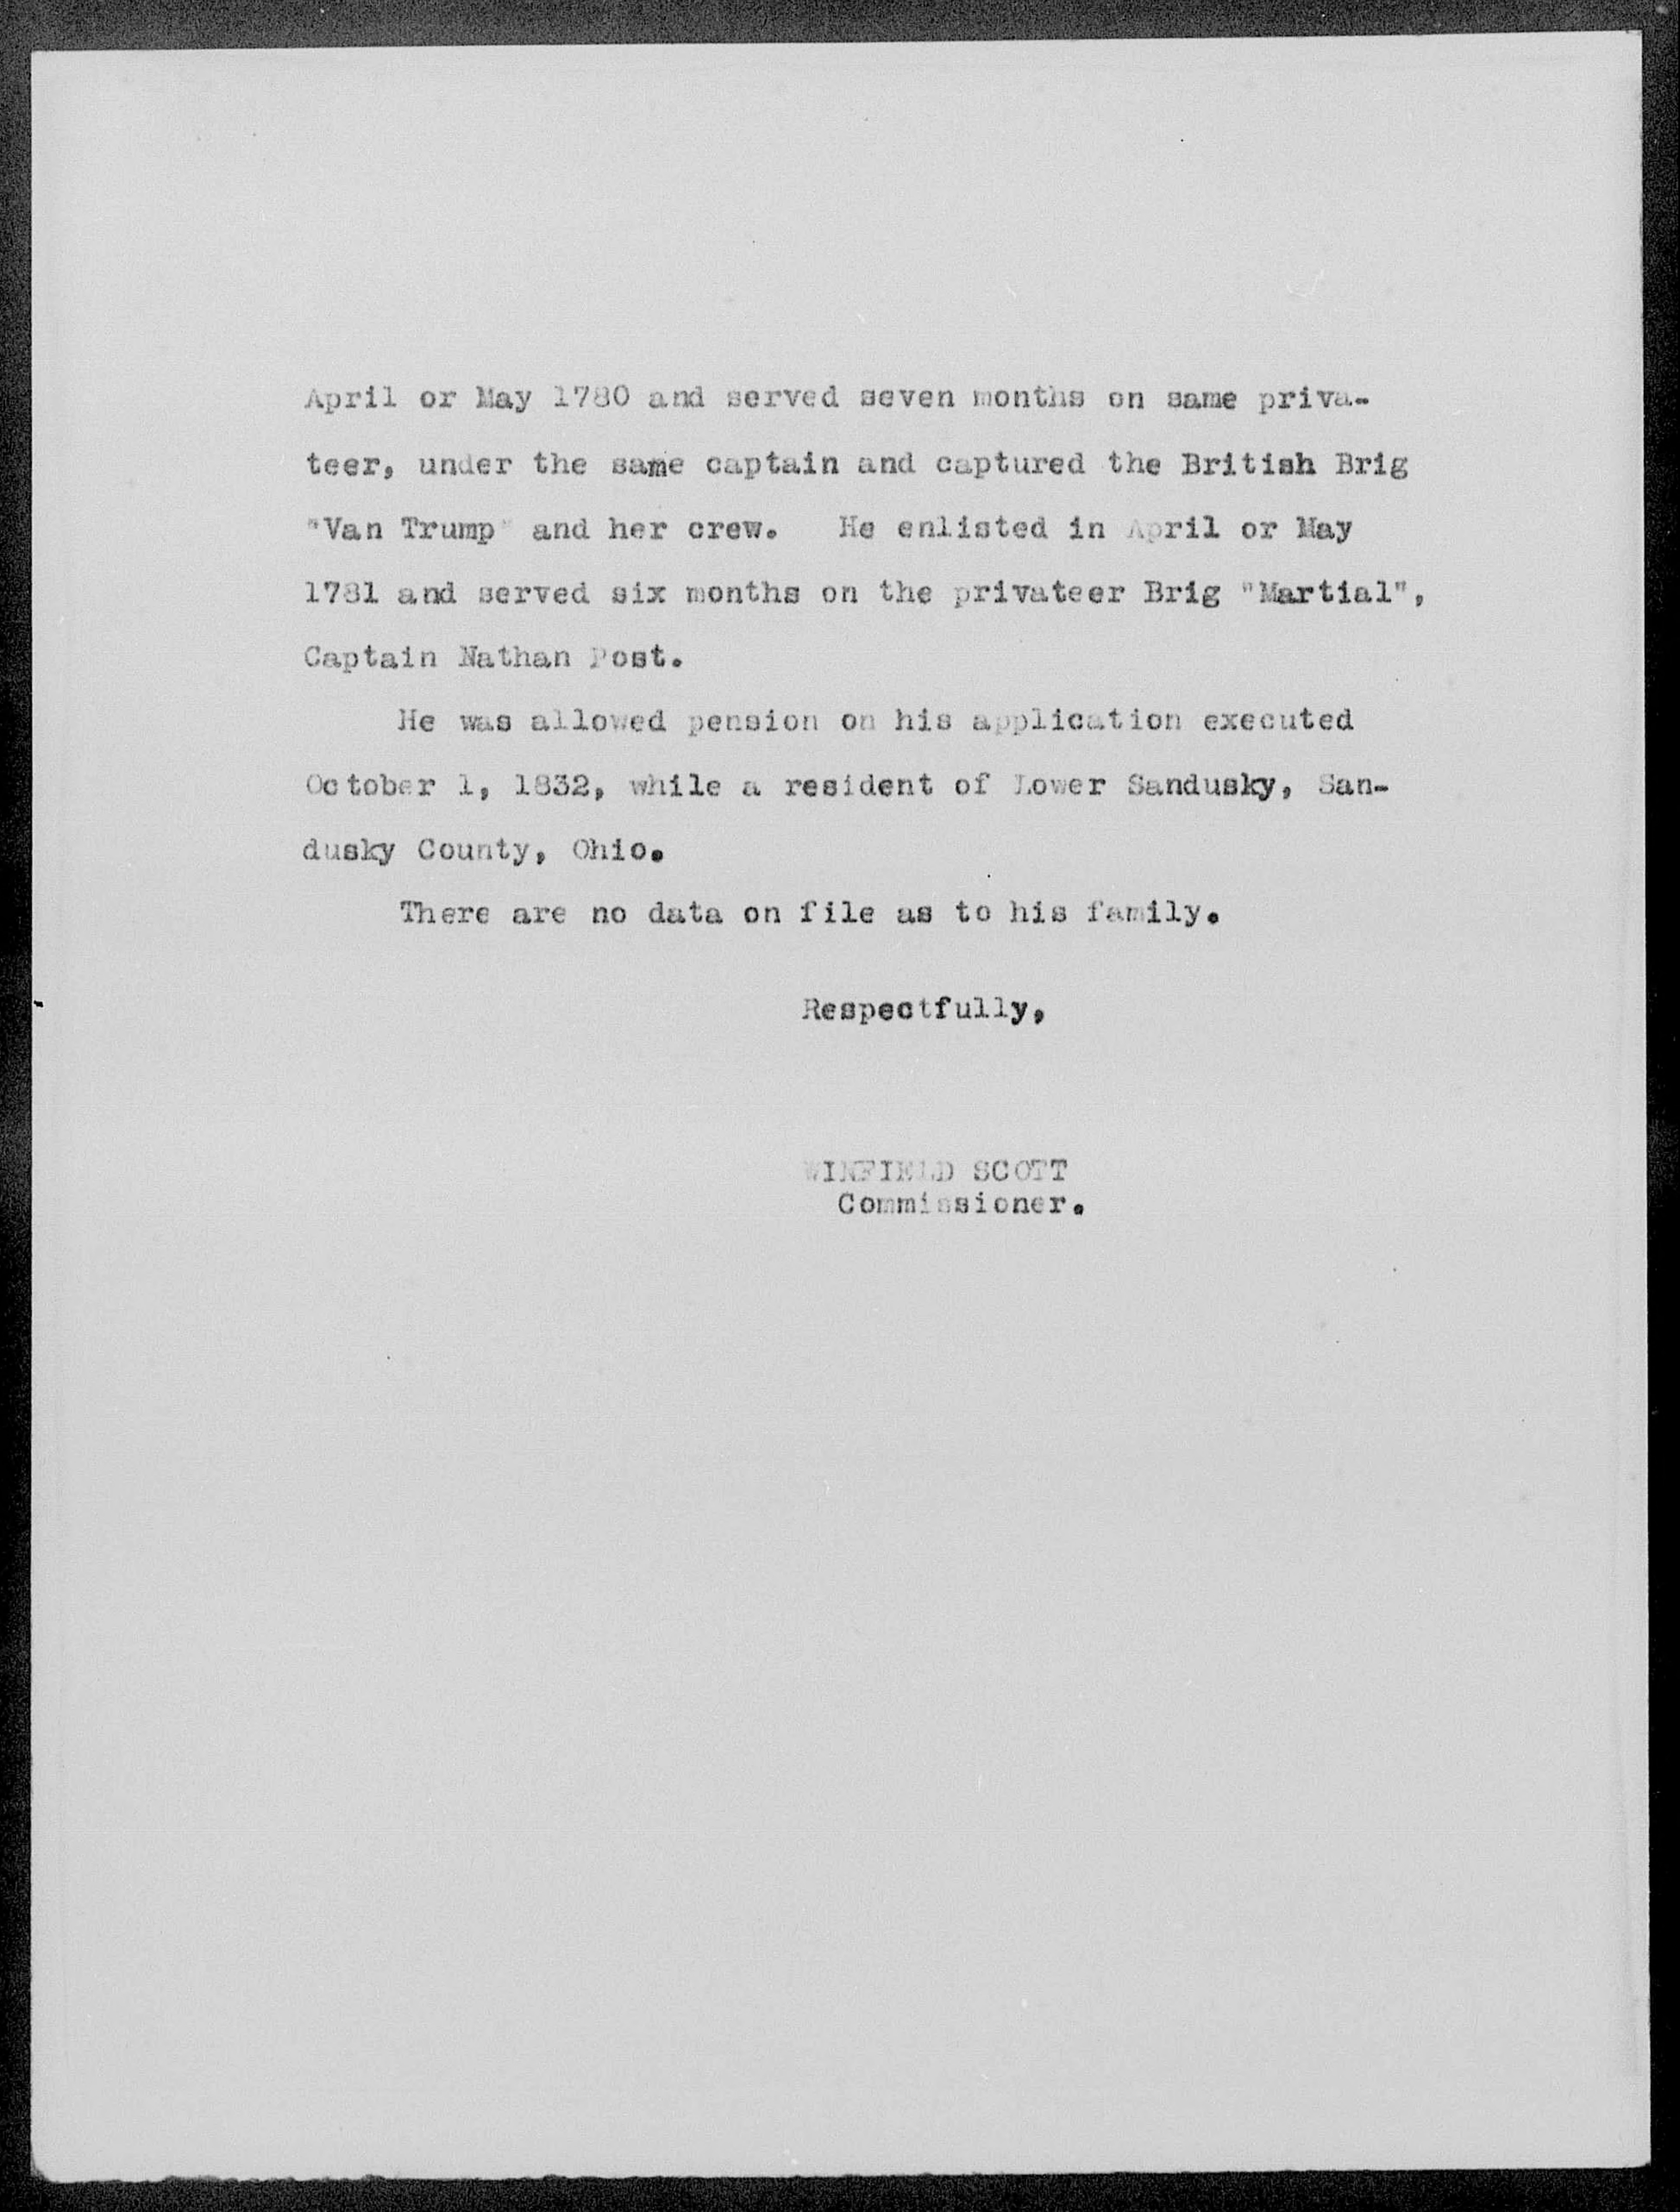April of May 1780 and served seven months on the same privateer, under the same captain and captured British Brig "Van Trump" and her crew. He enlisted in April or May 1781 and served six months on the privateer Brig "Martial", Captain Nathan Post.

He was allowed pension on his application executed October 1, 1832, while a resident of Lower Sandusky, Sandusky County, Ohio.

There are no data on file as to his family.

Respectfully,
Winfield Scott
Commissioner.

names: Winfield Scott, Nathan Post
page: 13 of 30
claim: survivor's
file: S. 3099, Daniel Brainard, Conn. Privateer